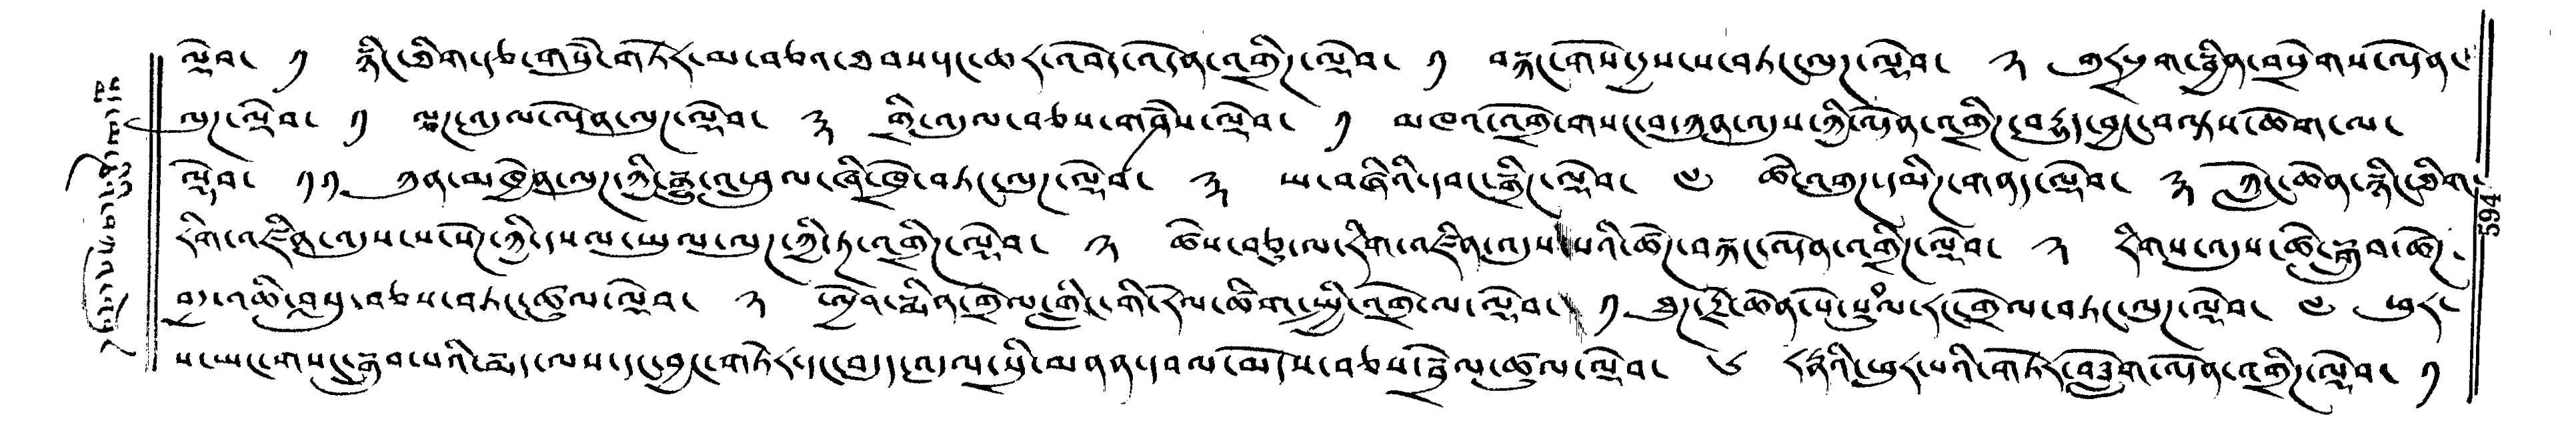ལྡེབ། སྙིང་ཐིག་རྩ་གསུམ་གཏོར་མ་བཅའ་ཐབས་དང་ཆར་འབོད་འདོན་འགྲིགས་ལ་ལྡེབ། བསྐང་གསོ་རྒྱས་པ་གཏོང་ལུགས་ལ་ལྡེབ། གུར་དྲག་སྦྱིན་སྲེག་འདོན་
ལུགས་ལ་ལྡེབ། ལྕགས་འདུལ་འདོན་ལུགས་ལ་ལྡེབ། གྲི་འདུལ་བཅས་བཤམས་ལ་ལྡེབ། མཁའ་འགྲོ་གསང་བ་ཀུན་འདུས་ཀྱི་འདོན་འགྲིགས་རྒྱུད་བྱང་བལྟས་ཆོག་ལ་
ལྡེབ། ཀུན་མཁྱེན་ལུགས་ཀྱི་སྒྱུ་འཕྲུལ་ཞི་ཁྲོ་གཏོང་ལུགས་ལ་ལྡེབ། ཡ་བཞིའི་དབང་སྒྲིགས་ལ་ལྡེབ། ཚེ་འགུགས་དམིགས་གནད་ལ་ལྡེབ། ཀློང་ཆེན་སྙིང་ཐིག་
རིག་འཛིན་འདུས་པ་སོགས་ཀྱི་དཔལ་ཡུལ་ལུགས་ཀྱི་རྔ་འགྲིགས་ལ་ལྡེབ།ཚེས་བཅུ་ལ་རིག་འཛིན་འདུས་པའི་ཚོགས་སྐོང་འདོན་འགྲིགས་ལ་ལྡེབ། རིགས་འདུས་ཚེ་སྒྲུབ་ཚོགས་
བརྒྱ་འཆི་བསླུ་བཅས་གཏོང་ཚུལ་ལ་ལྡེབ། ཨོ་རྒྱན་སྨིན་གྲོལ་གླིང་གི་རོལ་ཚིག་སྤྱི་འགྲོ་ལ་ལྡེབ། ཐུགས་རྗེ་ཆེན་པོ་སྡུག་བསྔལ་རང་གྲོལ་གཏོང་ལུགས་ལ་ལྡེབ། ཕུར་
པ་ཡང་གསང་སྒྲུབ་པའི་སྨད་ལས་དང་བྱང་གཏེར་བདུད་འདུལ་སྲི་མནན་དབལ་མདོས་བཅས་སྦྲེལ་ཚུལ་ལ་ལྡེབ། རཏྣའི་ཕུར་པའི་གཏོར་བཟློག་འདོན་འགྲིགས་ལ་ལྡེབ།